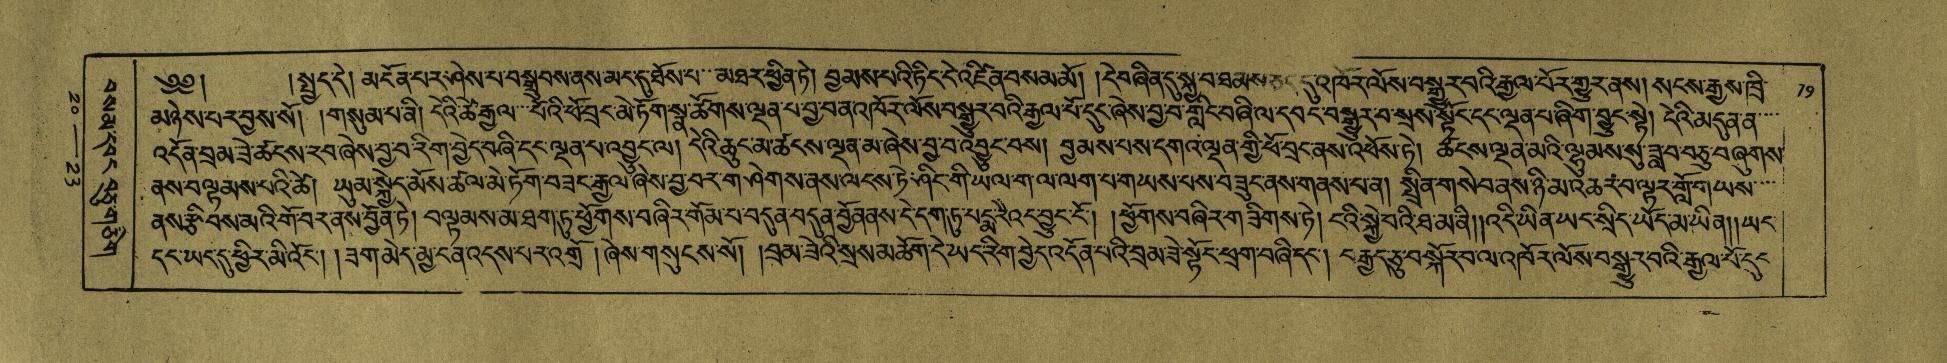༄༅། །སྤྱད་དེ། མངོན་པར་ཤེས་པ་བསྒྲུབས་ནས་མང་དུ་ཐོས་པ་མཐར་ཕྱིན་ཏེ། བྱམས་པའི་ཏིང་ངེ་འཛིན་བསམ་མོ། །དེ་བཞིན་དུ་སྐྱེ་བ་ཐམས་ཅད་དུ་འཁོར་ལོས་བསྒྱུར་བའི་རྒྱལ་པོར་གྱུར་ནས། སངས་རྒྱས་ཁྲི་
མཉེས་པར་བྱས་སོ། །གསུམ་པ་ནི། དེའི་ཚེ་རྒྱལ་པོའི་ཕོ་བྲང་མེ་ཏོག་སྣ་ཚོགས་ལྡན་པ་བྱ་བ་ན་འཁོར་ལོས་བསྒྱུར་བའི་རྒྱལ་པོ་དུང་ཞེས་བྱ་བ་གླིང་བཞི་ལ་དབང་བསྒྱུར་བ་སྲས་སྟོང་དང་ལྡན་པ་ཞིག་བྱུང་སྟེ། དེའི་མདུན་ན་
འདོན་བྲམ་ཟེ་ཚངས་རབ་ཞེས་བྱ་བ་རིག་བྱེད་བཞི་དང་ལྡན་པ་འབྱུང་ལ། དེའི་ཆུང་མ་ཚངས་ལྡན་མ་ཞེས་བྱ་བ་འབྱུང་བས། བྱམས་པས་དགའ་ལྡན་གྱི་ཕོ་བྲང་ནས་འཕོས་ཏེ། ཚངས་ལྡན་མའི་ལྷུམས་སུ་ཟླ་བ་བཅུ་བཞུགས་
ནས་བལྟམས་པའི་ཚེ། ཡུམ་སྐྱེད་མོས་ཚལ་མེ་ཏོག་བཟང་རྒྱལ་ཞེས་བྱ་བར་གཤེགས་ནས་ལངས་ཏེ་ཤིང་གི་ཡལ་ག་ལ་ལག་པ་གཡས་པས་བཟུང་ནས་གནས་པ་ན། སྤྲིན་གསེབ་ནས་ཉི་མ་འཆར་བ་ལྟར་གློ་གཡས་
ནས་རྩི་བས་མའི་གོ་བར་ནས་བྱོན་ཏེ། བལྟམས་མ་ཐག་ཏུ་ཕྱོགས་བཞིར་གོམ་པ་བདུན་བདུན་བྱོན་ནས་དེ་དག་ཏུ་པདམ་རཻའང་བྱུང་ངོ། །ཕྱོགས་བཞིར་གཟིགས་ཏེ། ངའི་སྐྱེ་བའི་ཐ་མ་ནི། །འདི་ཡིན་ཡང་སྲིད་ཡོད་མ་ཡིན། །ཡང་
དང་ཡང་དུ་ཕྱིར་མི་འོང་། །ཟག་མེད་མྱ་ངན་འདས་པར་འགྲོ་།ཞེས་གསུངས་སོ། །བྲམ་ཟེའི་སྲས་མཆོག་དེ་ཡང་རིག་བྱེད་འདོན་པའི་བྲམ་ཟེ་སྟོང་ཕྲག་བཞི་དང་། བརྒྱད་ཅུ་བསྐོར་བ་ལ་འཁོར་ལོས་བསྒྱུར་བའི་རྒྱལ་པོ་དུང་